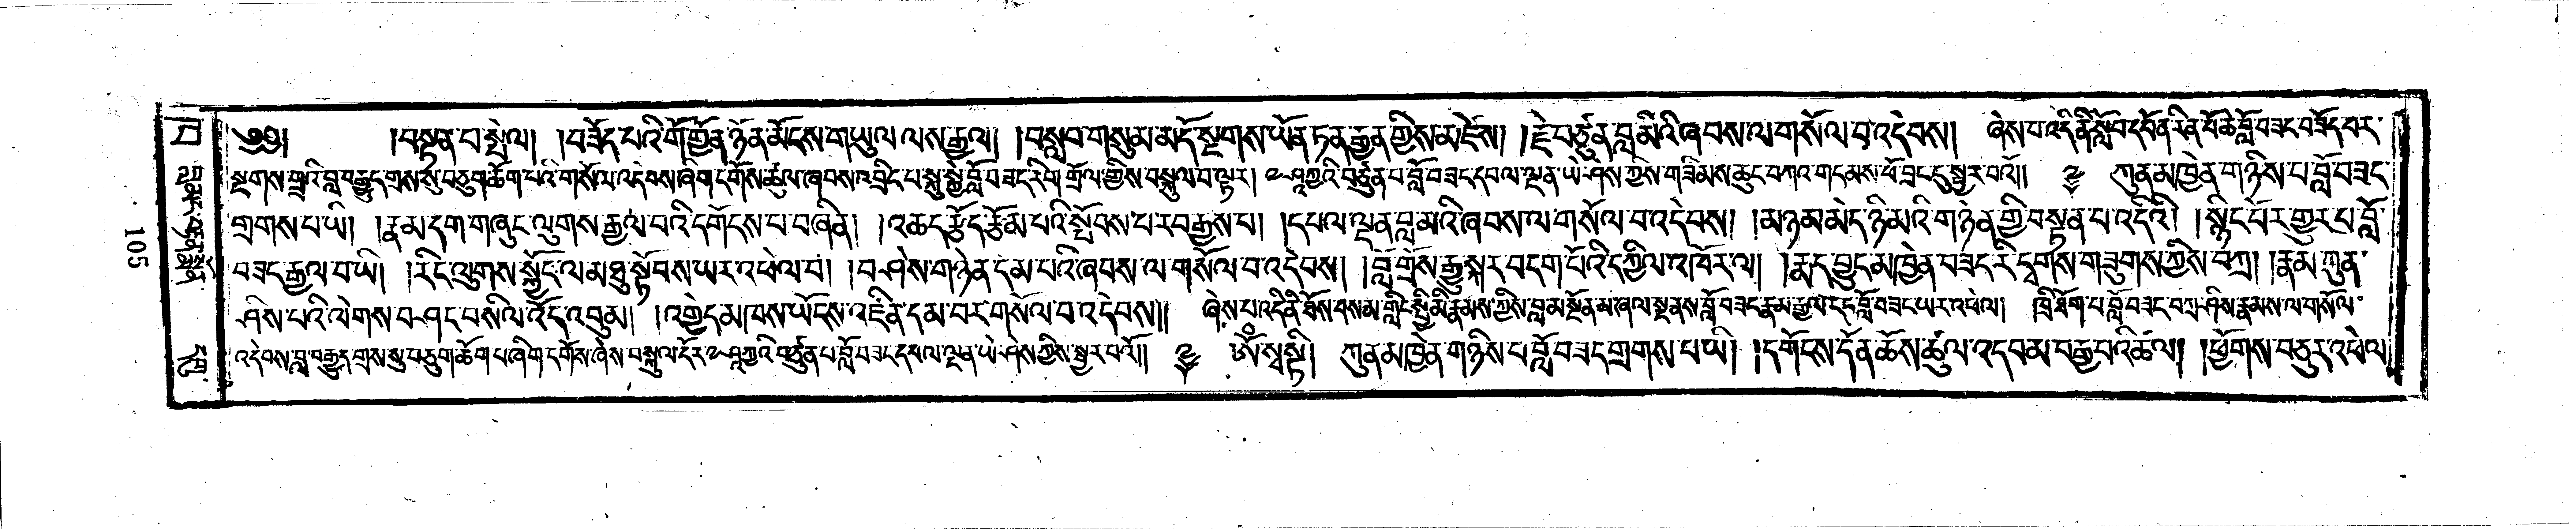༄༅། །བསྟན་པ་སྤེལ། །བཟོད་པའི་གོ་གྱོན་ཉོན་མོངས་གཡུལ་ལས་རྒྱལ། །བསླབ་གསུམ་མདོ་སྔགས་ཡོན་ཏན་རྒྱན་གྱིས་མཛེས། །རྗེ་བཙུན་བླ་མིའི་ཞབས་ལ་གསོལ་བ་འདེབས། ཞེས་པ་འདི་ནི་སློབ་དཔོན་རིན་པོ་ཆེ་བློ་བཟང་བཟོད་པར་
སྔགས་གྲའི་བླ་བརྒྱུད་གྲས་སུ་བཅུག་ཆོག་པའི་གསོལ་འདེབས་ཞིག་དགོས་ཚུལ་ཞབས་འབྲིང་པ་སྐུ་སྐྱེ་བློ་བཟང་རིག་གྲོལ་གྱིས་བསྐུལ་བ་ལྟར། ༧་ཤཱཀྱའི་བཙུན་པ་བློ་བཟང་དཔལ་ལྡན་ཡེ་ཤེས་ཀྱིས་གཟིམས་ཆུང་བཀའ་གདམས་ཕོ་བྲང་དུ་སྦྱར་བའོ།། ༈ ཀུན་མཁྱེན་གཉིས་པ་བློ་བཟང་
གྲགས་པ་ཡི། །རྣམ་དག་གཞུང་ལུགས་རྒྱལ་པའི་དགོངས་པ་བཞིན། །འཆད་རྩོད་རྩོམ་པའི་སྤོབས་པ་རབ་རྒྱས་པ། །དཔལ་ལྡན་བླ་མའི་ཞབས་ལ་གསོལ་བ་འདེབས། །མཉམ་མེད་ཉི་མའི་གཉེན་གྱི་བསྟན་པ་འདིའི། །སྙིང་པོར་གྱུར་པ་བློ་
བཟང་རྒྱལ་བ་ཡི། །རིང་ལུགས་སྐྱོང་ལ་མཐུ་སྟོབས་ཡར་འཕེལ་བ། །བཤེས་གཉེན་དམ་པའི་ཞབས་ལ་གསོལ་བ་འདེབས། །བློ་གྲོས་རྒྱུ་སྐར་བདག་པོའི་དཀྱིལ་འཁོར་ལ། །རྨད་བྱུང་མཁྱེན་བཟང་རི་དྭགས་གཟུགས་ཀྱིས་བཀྲ། །རྣམ་ཀུན་
ཤིས་པའི་ལེགས་བཤད་བསིལ་འོད་འབུམ། །འགྱེད་མཁས་ཡོངས་འཛིན་དམ་པར་གསོལ་བ་འདེབས། ཞེས་པ་འདི་ནི་ཐོས་བསམ་གླིང་སྤྱི་མི་རྣམས་ཀྱིས་བླ་མ་སྔོན་མ་ཞལ་སྔ་ནས་བློ་བཟང་རྣམ་རྒྱལ་དང་བློ་བཟང་ཡར་འཕེལ། ཁྲི་ཐོག་པ་བློ་བཟང་བཀྲ་ཤིས་རྣམས་ལ་གསོལ་
འདེབས་བླ་བརྒྱུད་གྲས་སུ་བཅུག་ཆོག་པ་ཞིག་དགོས་ཞེས་བཀུལ་དོར་༧་ཤཱཀྱའི་བཙུན་པ་བློ་བཟང་དཔལ་ལྡན་ཡེ་ཤེས་ཀྱིས་སྦྱར་བའི།། ༈ ཨོཾ་སྭ་སྟི། ཀུན་མཁྱེན་གཉིས་པ་བློ་བཟང་གྲགས་པ་ཡི། །དགོངས་དོན་ཆོས་ཚུལ་འདབ་མ་བརྒྱ་བའི་ཚལ། །ཕྱོགས་བཅུར་འཕེལ་